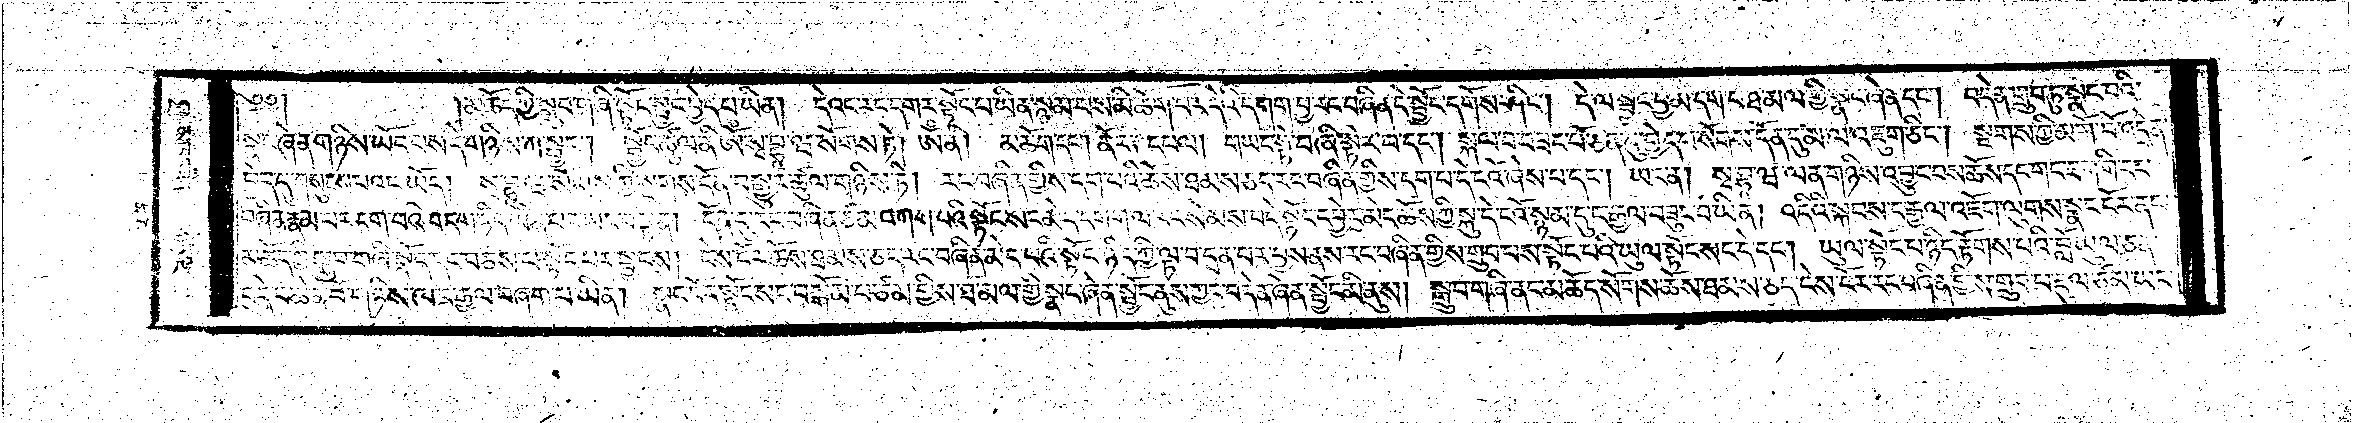༄༅། །མཆོད་ཀྱི་སྒྲུབ་གཞི་སྟོང་སྦྱང་བྱེད་པ་ཡིན། དེའང་རང་དགར་སྟོང་པ་ཡིན་སྙམ་པས་མི་ཆོག་པར་དེའི་དགག་བྱ་རང་བཞིན་དེ་སྦྱོང་དགོས་ཤིང་། དེ་ལ་སྦྱང་བྱ་མ་དག་པ་ཐ་མལ་གྱི་སྣང་ཞེན་དང་། བདེན་གྲུབ་ཏུ་སྣང་བའི་
སྣང་ཞེན་གཉིས་ཡོད་པས་དེ་གཉིས་ཀ་སྦྱང་། སྦྱོང་ཚུལ་ནི་ཨོཾ་སྭ་བྷཱ་ཝ་སོགས་ཏེ། ཨོཾ་ནི། མཆོག་དང་། ནོར༑ དཔལ། གཡང་སྟེ་བཞི་སྟེར་བ་དང་། སྐལ་བ་བཟང་པོ་ཅན་དུ་བྱེད་པ་སོགས་དོན་དུ་མ་ལ་འཇུག་ཅིང་། སྔགས་ཀྱི་མགོ་བོ་འདྲེན་
བྱེད་དུ་གསུངས་བའང་ཡོད། སྭ་བྷཱ་ཝ་སོགས་ཀྱི་སྔགས་དོན་བསྒྱུར་ཚུལ་གཉིས་ཏེ། རང་བཞིན་གྱིས་དག་པའི་ཆོས་ཐམས་ཅད་རང་བཞིན་གྱིས་དག་པ་དེ་དའོ་ཞེས་པ་དང་། ཡང་ན། སྭ་བྷཱ་ཝ་ལན་གཉིས་འབྱུང་བས་ཆོས་དང་གང་ཟག་གི་རང་
བཞིན་རྣམ་པར་དག་པའི་བདག་ཉིད་ཡིན་པར་ཡང་བསྟན། དོན་དུ་རང་བཞིན་ཙམ་བཀག་པའི་སྟོང་སང་མེད་དགག་ལ་རང་སེམས་བདེ་སྟོང་དབྱེར་མེད་ཆོས་ཀྱི་སྐུ་དེ་ངའོ་སྙམ་དུ་ང་རྒྱལ་བཟུང་བ་ཡིན། འདིའི་སྐབས་ང་རྒྱལ་འཇོག་ལུགས་སྣང་ངོར་ནང་
མཆོད་ཀྱི་སྒྲུབ་གཞི་སྣོད་དང་བཅས་པ་སྟོང་པར་སྦྱངས། ངེས་ངོར་ཆོས་ཐམས་ཅད་རང་བཞིན་མེད་པའི་སྟོང་ཉིད་ཀྱི་ལྟ་བ་དྲན་པར་བྱས་ནས་རང་བཞིན་གྱིས་གྲུབ་པས་སྟོང་པའི་ཡུལ་སྟོང་སང་དེ་དང་། ཡུལ་སྟོང་པ་ཉིད་རྟོགས་པའི་བློ་ཡུལ་ཅན་
བདེ་བ་ཆེན་པོ་གཉིས་ལ་ང་རྒྱལ་བཞག་པ་ཡིན། སྣང་ངོར་སྟོང་སང་བསྒོམ་པ་ཙམ་གྱིས་ཐ་མལ་གྱི་སྣང་ཞེན་སྦྱོང་ནུས་ཀྱང་བདེན་ཞེན་སྦྱོང་མི་ནུས། སྒྲུབ་གཞི་ནང་མཆོད་སོགས་ཆོས་ཐམས་ཅད་ངེས་དོར་རང་བཞིན་གྱིས་གྲུབ་པ་རྡུལ་ཙམ་ཡང་